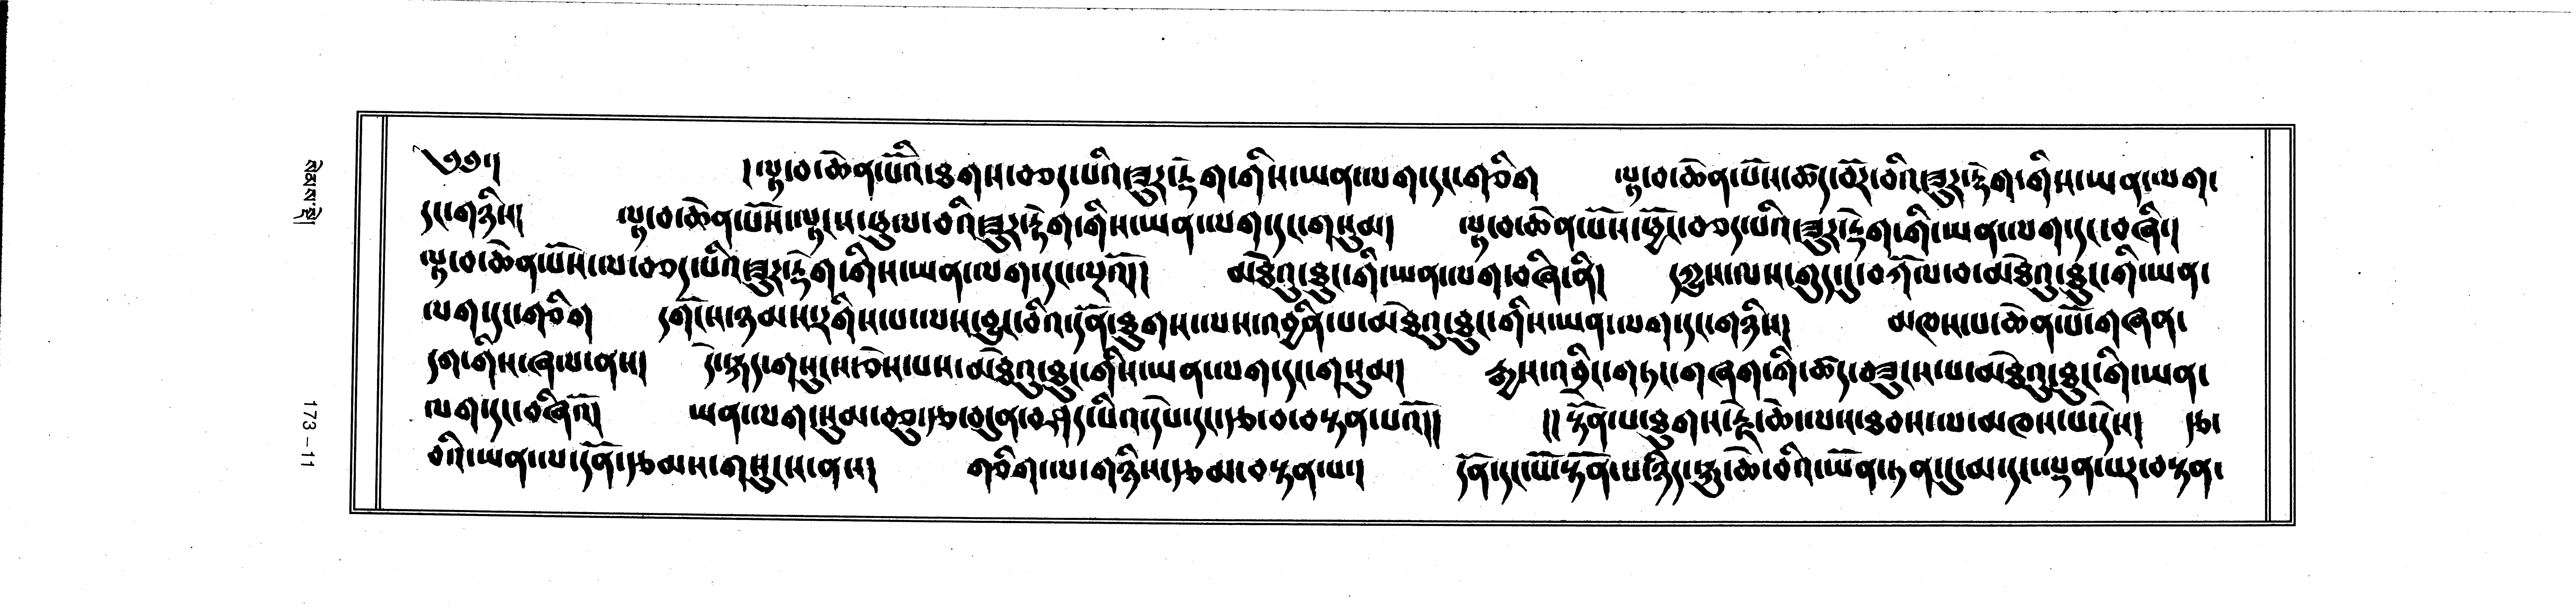ལྟ་བ་ཆེན་པོའི་ཐག་བཅད་པའི་ཟུར་རྡེག་གི་ཡན་ལག་དང་གཅིག ལྟ་བ་ཆེན་པོས་ཚད་བོར་བའི་ཟུར་རྡེག་གི་ཡན་ལག་
དང་གཉིས། ལྟ་བ་ཆེན་པོས་ལྟངས་ཕུལ་བའི་ཟུར་རྡེག་གི་ཡན་ལག་དང་གསུམ། ལྟ་བ་ཆེན་པོས་ཕྱོང་བཅད་པའི་ཟུར་རྡེག་གི་ཡན་ལག་དང་བཞི། 
ལྟ་བ་ཆེན་པོས་ལ་བཅད་པའི་ཟུར་རྡེག་གི་ཡན་ལག་དང་ལྔའོ། །མཐེའུ་ཐུང་༼མདེའུ་ཐུང་༽གི་ཡན་ལག་བཞི་ནི། དཀྱུས་ལས་གུད་དུ་བཀོལ་བ་མདེའུ་ཐུང་གི་ཡན་
ལག་དང་གཅིག དགོངས་ཉམས་རིག་པ་ལས་བྱུང་བའི་དོན་ཐུགས་ལས་འབྱིན་པ་མདེའུ་ཐུང་གི་ཡན་ལག་དང་གཉིས། མཁས་པ་ཆེན་པོ་གཞན་
དག་གི་ཞལ་ནས་དེ་སྐད་གསུངས་ཅེས་པའི་མདེའུ་ཐུང་གི་ཡན་ལག་དང་གསུམ། རྒྱས་འབྲིང་གཏང་བཞག་གི་ཚད་བཟུང་བ་མདེའུ་ཐུང་གི་ཡན་
ལག་དང་བཞིའོ། །ཡན་ལག་སུམ་ཅུ་རྩ་བདུན་བཤད་པའི་དཔེ་དང་རྩ་བ་བསྟན་པའོ།། །།སྟོན་པ་ཐུགས་རྗེ་ཆེ་ལ་ཐབས་མཁས་པ་དེས། རྩ་
བའི་ཡན་ལ་དོན་ཙམ་གསུངས་ནས། གཅིག་ལ་གཉིས་ཙམ་བསྟན་པ། དོན་དང་པོ་སྟོན་པ་ཉིད་སྐུ་ཆེ་བའི་ཡོན་ཏན་དུ་མ་དང་ལྡན་པར་བསྟན་